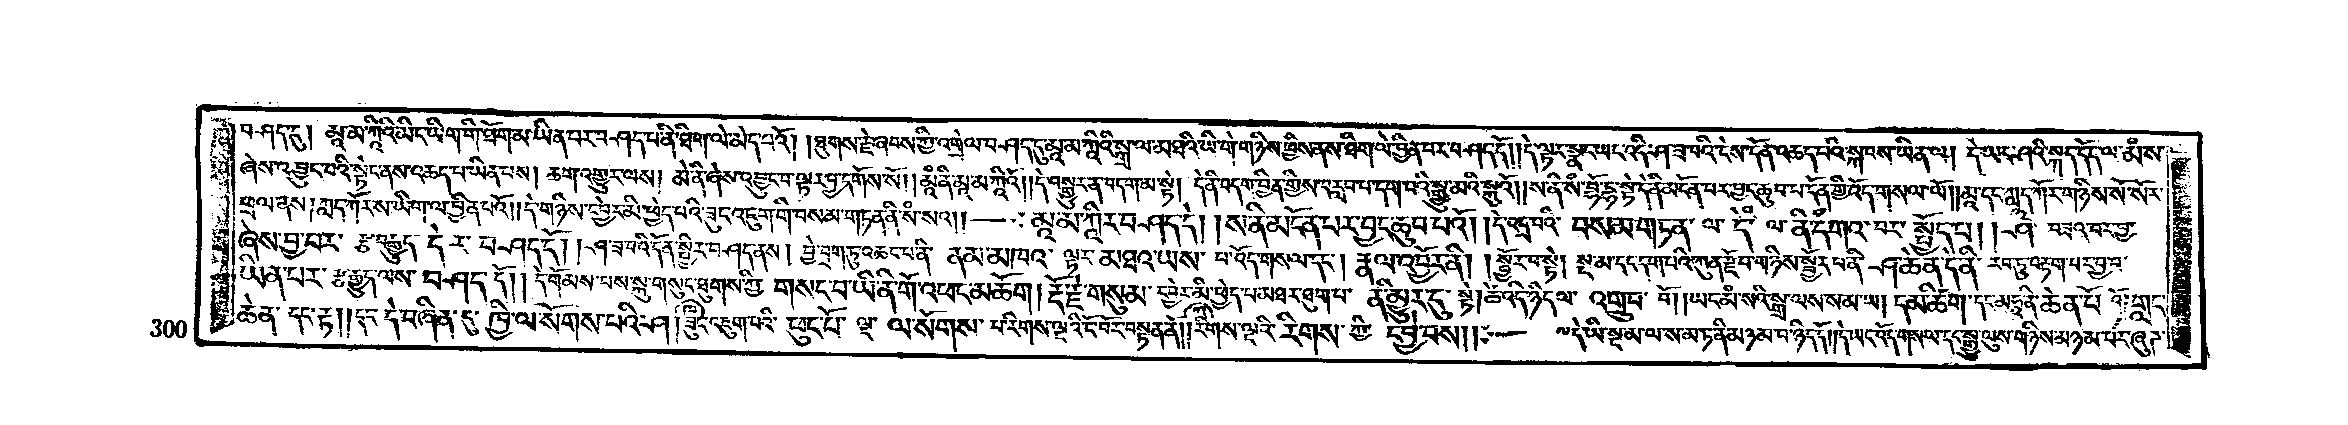བཤད་དུ། མཱ་མ་ཀཱིའི་མིང་ཡིག་གི་ཐོག་མ་ཡིན་པར་བཤད་པ་ནི་ཐིག་ལེ་མེད་པའོ། །ཐུགས་རྗེ་ཞབས་ཀྱི་འགྲེལ་བཤད་དུ་མཱ་མ་ཀཱིའི་སྒྲ་ལ་མཐའི་ཡི་གེ་གཉིས་ཀྱིས་ནས་ཐིག་ལེ་བྱིན་པར་བཤད་དོ། །དེ་ལྟར་སྣང་ཡང་འདི་ཤ་ཟ་བའི་ངེས་དོན་འཆད་པའི་སྐབས་ཡིན་ལ། དེ་ཡང་ཤའི་སྐད་དོད་ལ་མས
ཞེས་འབྱུང་བའི་སྟེང་ནས་འཆད་པ་ཡིན་པས། ཆག་འགྱུར་ལས། མེ་ནི་ཞེས་འབྱུང་བ་ལྟར་བྱ་དགོས་སོ། །མའཾ་ནི་མཱ་མ་ཀཱིའོ། །དེ་བསྒྱུར་ན་བདག་མ་སྟེ། དེ་ནི་བདག་བྱིན་གྱིས་བརླབ་པ་དག་པའི་སྒྱུ་མའི་སྐུའོ། །ས་ནི་སཾ་བྷོ་དྷ་སྟེ་དེ་ནི་མངོན་པར་བྱང་ཆུབ་པ་དོན་གྱི་འོད་གསལ་ལོ། །མཱ་དང་ཀླད་ཀོར་གཉིས་སོ་སོར
ཕྲལ་ནས། ཀླད་ཀོར་ས་ཡིག་ལ་བྱིན་པའོ། །དེ་གཉིས་དབྱེར་མི་ཕྱེད་པའི་ཟུང་འཇུག་གི་བསམ་གཏན་ནི་སཾ་སའོ།།  མཱ་མ་ཀཱིར་བཤད་དེ། །ས་ནི་མངོན་པར་བྱང་ཆུབ་པའོ། །དེ་འདྲ་བའི་བསམ་གཏན་ལ་དེ་ལ་ནི་དགའ་བར་སྤྱོད་པ། །ཤེ་བཟའ་བར་བྱ
ཞེས་བྱ་བར་རྩ་བརྒྱུད་དེར་བཤད་དོ། ། ཤ་ཟ་བའི་དོན་སྤྱིར་བཤད་ནས། བྱེ་བྲག་ཏུ་འཆད་པ་ནི་ནམ་མཁའ་ལྟར་མཐའ་ཡས་པ་འོད་གསལ་དང་།  རྣལ་འབྱོར་ནི། །སྦྱོར་བ་སྟེ། སྔ་མ་དང་དག་པའི་ཀུན་རྫོབ་གཉིས་སྦྱོར་བ་ནི་ཤ་ཆེན་དེ་ནི་རབ་ཏུ་བརྟག་པར་བྱ་བ
ཡིན་པར་རྩ་རྒྱུད་ལས་བཤད་དོ། །དེ་གོམས་པས་སྐུ་གསུང་ཐུགས་ཀྱི་གསང་བ་ཡི་ནི་གོ་འཕང་མཆོག །རྡོ་རྗེ་གསུམ་དབྱེར་མི་ཕྱེད་པ་མཐར་ཐུག་པ་ནི་མྱུར་དུ་སྟེ། ཚེ་འདི་ཉིད་ལ།  འགྲུབ་བོ། །ཡང་མཾ་སའི་སྒྲ་ལས་ས་མ་ཡ།  དམ་ཚིག་དང་མཧཱ་ནི་ཆེན་པོའོ་གླང་
ཆེན་དང་རྟ། །དང་དེ་བཞིན་དུ་ཁྱི་ལ་སོགས་པའི་ཤ། ?ཁ྄་ཟུང་འཇུག་པའི་ཕུང་པོ་ལྔ་ལ་སོགས་པ་རིགས་ལྔའི་ངོ་བོར་བསྟན་ནོ། །?ཀ྄་རིགས་ལྔའི་རིགས་ཀྱི་དབྱེ་བས།། ༧དེ་ཡི་སྔ་མ་ལ་ས་མ་ཏ་ནི་མཉམ་པ་ཉིད་དོ། །དེ་ཡང་འོད་གསལ་དང་སྒྱུ་ལུས་གཉིས་མཉམ་པར་ཞུགས་